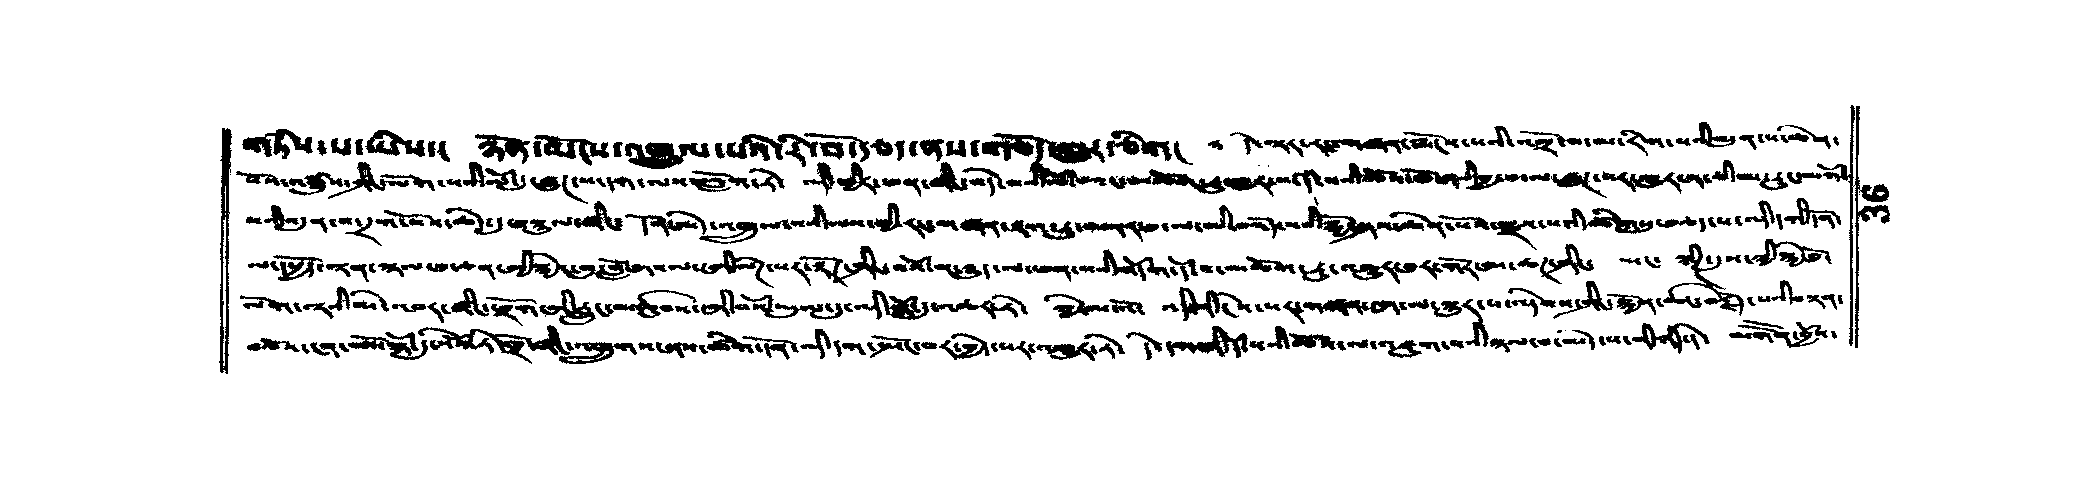གཏམས་པ་ཡིས། །ཉོན་མོངས་འཁྲུལ་པའི་རི་བོ་རྩད་ནས་གཅོད་གྱུར་ཅིག། ༄༅། དེ་ལྟར་རང་གཞན་རྨོངས་པའི་འགྲོ་བ་མ་རིག་པའི་མུན་པ་ཆེན་
པོས་འཐུམས་ཤིང་ལོག་པའི་ལམ་དུ་ཞུགས་པ་དག་ལས་བཟློག་སྟེ།འདི་ཕྱིར་ཕན་ཞིང་བདེ་བའི་ལམ་བཟང་མཆོག་ཏུ་གྱུར་པ་དམ་པའི་ཆོས་ཁོ་ནའི་བྱ་བ་ལ་ཞུགས་པར་གྱུར་ན་ཅི་མ་རུང་སྙམ་
པའི་འདུན་པ་དྲག་པོས་ཆེད་དུ་བསྐུལ་ཞིང་། དོན་མེད་འཁྲུལ་བའི་ལས་ཀྱིས་རང་གཞན་རྟག་ཏུ་མནར་བ་ལ་མི་བཟོད་པའི་སྐྱོ་ཤས་ཆེན་པོས་སྨྲས་པའི་ཚིགས་སུ་བཅད་པ་འདི་དག་གི་དོན་
ལ་དཔྱོད་ལྡན་སྐལ་བ་ཅན་གྱི་སྐྱེས་བུ་བློ་གསལ་གྱིས་ལེགས་པར་རྟོགས་ཤིང་བསམ་ན་རྒྱུད་ལ་ཕན་པའི་གདམས་ངག་དམ་པ་མཆོག་ཏུ་འགྱུར་བར་གོར་མ་ཆགས་ཤིང་། ཡང་། སྙིགས་དུས་ཀྱི་སྐྱེ་བོ་
ལོག་ལྟའི་མེ་འབར་ཞིང་ཕྲག་དོག་གི་རླུང་འཚུབས་པ་དག་གིས་བསམ་ཡུལ་དུ་འདི་སྙམ་དུ་འཆར་ཏེ། ཀྱེ་མ་འོ། འདི་ནི་ངེས་པར་གཞན་དག་ལ་བསྐུར་བ་འདེབས་ཤིང་སྐྱོན་ལཚང་བརྗོད་པའི་བསྟན་
བཅོས་ངན་པའོ་སྙམ་དུ་སེམས་ཏེ་ཁྲོ་ཞིང་འཁྲུགས་ནས་ཚིག་དོན་འདི་དག་སྤོང་བར་བྱེད་པར་འགྱུར་ཏེ། དེ་དག་ནི་དམ་པའི་ཆོས་ལ་འཇུག་པའི་སྐལ་བ་མེད་པ་ཉིད་དེ། མགོན་པོ་བྱམས་